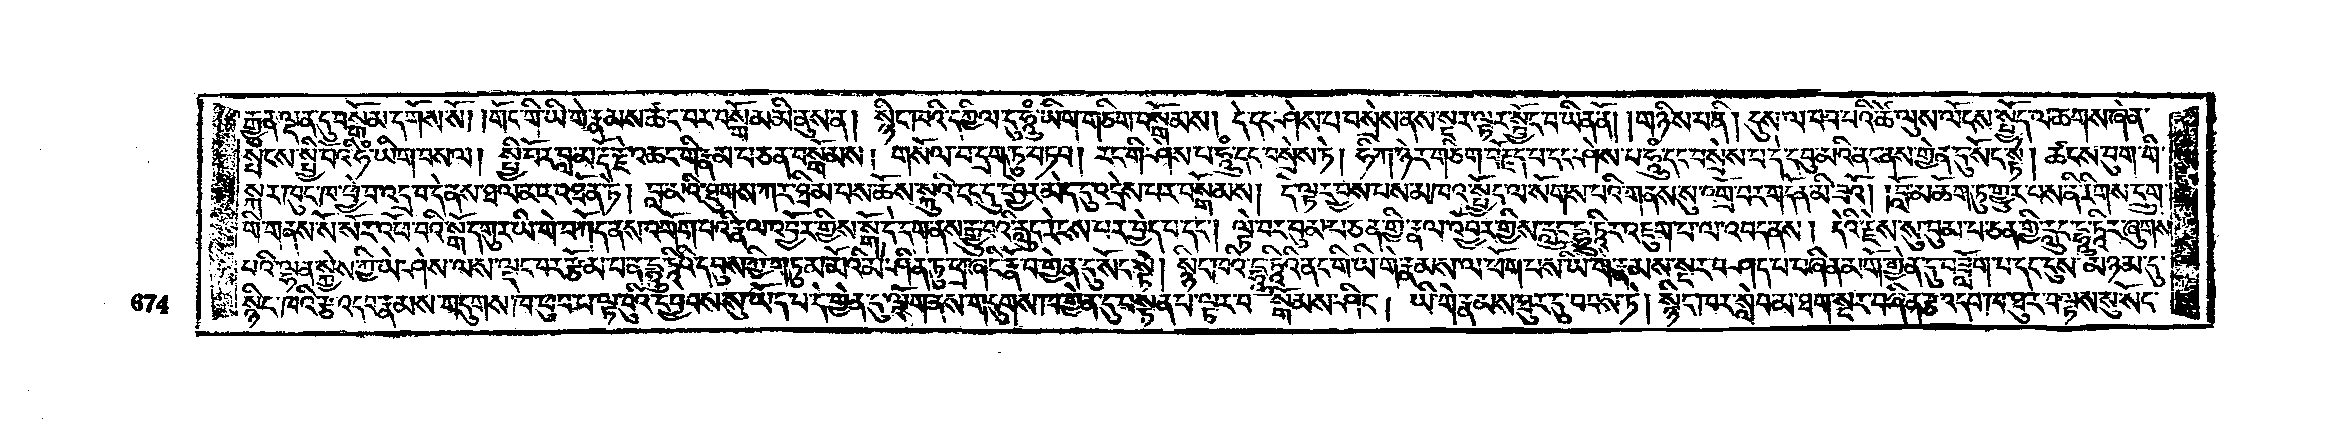རྒྱུན་ལྡན་དུ་བསྒོམ་དགོས་སོ། །གོང་གི་ཡི་གེ་རྣམས་ཚང་བར་བསྒོམ་མི་ནུས་ན། སྙིང་ཁའི་དཀྱིལ་དུ་ཧཱུཾ་ཡིག་གཅིག་བསྒོམས། དེ་དང་ཤེས་པ་བསྲེས་ནས་སྔར་ལྟར་སྦྱོང་བ་ཡིན་ནོ། །གཉིས་པ་ནི། དུས་ལ་བབ་པའི་ཚེ་ལུས་ལོངས་སྤྱོད་ལ་ཆགས་ཞེན་
སྤངས་སྤྱི་བོའི་ཧཾ་ཡིག་བསལ། སྤྱི་བོར་བླ་མ་རྡོ་རྗེ་འཆང་གི་རྣམ་པ་ཅན་བསྒོམས། གསོལ་བ་དྲག་ཏུ་བཏབ། རང་གི་ཤེས་པ་ཧཱུཾ་དང་བསྲེས་ཏེ། ཧི་ཀ་ཉེར་གཅིག་བརྗོད་པ་དང་ཤེས་པ་ཧཱུཾ་དང་བསྲེས་པ་དེ་དབུ་མའི་ནང་ནས་གྱེན་དུ་སོང་སྟེ། ཚངས་བུག་གི་
སྐར་ཁུང་ཁ་ཕྱེ་བ་འདྲ་བ་དེ་ནས་ཐལ་མར་འཐོན་ཏེ། བླ་མའི་ཐུགས་ཀར་ཐིམ་པས་ཆོས་སྐུའི་ངང་དུ་དབྱེར་མེད་དུ་འདྲེས་པར་བསྒོམས། དེ་ལྟར་བྱས་པས་མཁའ་སྤྱོད་ལ་སོགས་པའི་གནས་སུ་འགྲོ་བར་གདོན་མི་ཟའོ། །བློ་མཆོག་ཏུ་གྱུར་པས་ནི་རིགས་དྲུག་
གི་གནས་སོ་སོར་འཕོ་བའི་སྒོ་དགུར་ཡི་གེ་བཀོད་ནས་འགོག་པའི་རྣལ་འབྱོར་གྱིས་སྒོ་དེ་དག་ནས་རྒྱུ་བའི་རླུང་རེངས་པར་བྱེད་པ་དང་། ལྟེ་བར་བུམ་པ་ཅན་གྱི་རྣལ་འབྱོར་གྱིས་རླུང་དྷཱུ་ཏཱིར་འཇུག་པ་ལ་འབད་ནས། དེའི་རྗེས་སུ་བུམ་པ་ཅན་གྱི་རླུང་དྷཱུ་ཏཱིར་ཞུགས་
པའི་ལྷན་སྐྱེས་ཀྱི་ཡེ་ཤེས་ལས་ལྡང་བར་རྩོམ་པ་ན་དྷཱུ་ཏཱིའི་དབུས་ཀྱི་གཏུམ་མོའི་མེ་ཤིན་ཏུ་ཕྲ་ཞིང་རྣོ་བ་གྱེན་དུ་སོང་སྟེ། སྙིང་ཁའི་དྷཱུ་ཏཱིའི་ནང་གི་ཡི་གེ་རྣམས་ལ་ཕོག་པས་ཡི་གེ་རྣམས་སྔར་བཤད་པ་བཞིན་མགོ་གྱེན་དུ་བཟློག་པ་དང་དུས་མཉམ་དུ་
སྙིང་ཁའི་རྩ་འདབ་རྣམས་གདུགས་ཁ་ཕུབ་པ་ལྟ་བུའི་དབྱིབས་སུ་ཡོད་པ་དེ་གྱེན་དུ་ལྡོག་ནས་གདུགས་ཁ་གྱེན་དུ་བསྟན་པ་ལྟར་བསྒོམས་ཤིང་། ཡི་གེ་རྣམས་ཐུར་དུ་བབས་ཏེ། སྙིང་ཁར་སླེབ་མ་ཐག་སྔར་བཞིན་རྩ་འདབ་ཁ་ཐུར་བལྟས་སུ་སོང་